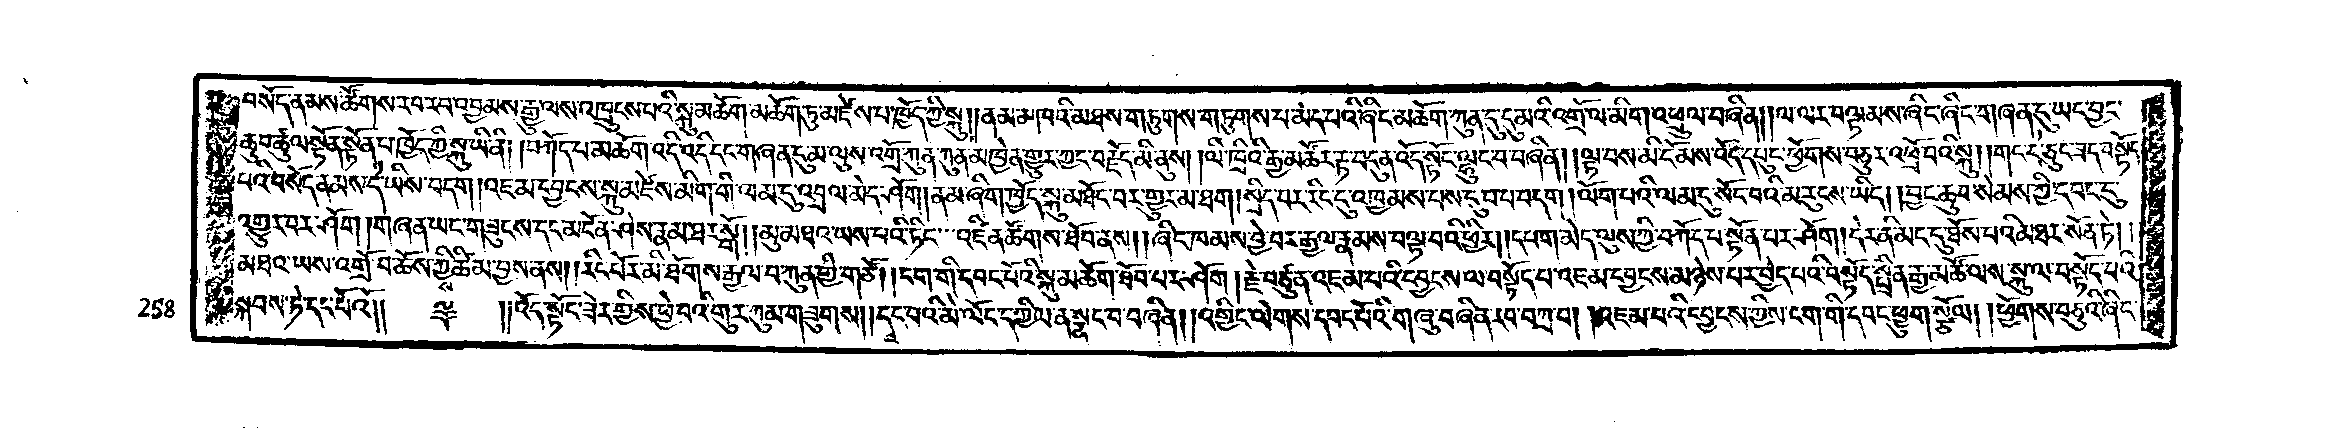བསོད་ནམས་ཚོགས་རབ་རབ་འབྱམས་རྒྱུ་ལས་འཁྲུངས་པའི་སྐུ་མཆོག་མཆོག་ཏུ་མཛེས་པ་ཁྱོད་ཀྱི་སྐུ། །ནམ་མཁའི་མཐས་གཏུགས་གཏུགས་པ་མེད་པའི་ཞིང་མཆོག་ཀུན་དུ་དུ་མའི་འགྲོ་ལ་མིག་འཕྲུལ་བཞིན། །ལ་ལར་བལྟམས་ཞིང་ཞིང་གཞན་དུ་ཡང་བྱང་
ཆུབ་ཚུལ་སྟོན་སྟོན་པ་ཁྱོད་ཀྱི་སྐུ་ཡི་ནི། །བཀོད་པ་མཆོག་འདི་འདི་དང་གཞན་དུ་མ་ལུས་འགྲོ་ཀུན་ཀུན་མཁྱེན་གྱུར་ཀྱང་བརྗོད་མི་ནུས། །ལི་ཁྲིའི་རྒྱ་མཚོར་རྟ་བདུན་འོད་སྟོང་ལྷུང་བ་བཞིན། །ལྟ་བས་མི་ངོམས་འོད་དཔུང་ཕྱོགས་བཅུར་འཕྲོ་བའི་སྐུ། །གང་དེ་ཅུང་ཟད་བསྟོད་
པའི་བསོད་ནམས་དེ་ཡིས་བདག །འཇམ་དབྱངས་སྐུ་མཛེས་མིག་གི་ལམ་དུ་འབྲལ་མེད་ཤོག །ནམ་ཞིག་ཁྱོད་སྐུ་མཐོང་བར་གྱུར་མ་ཐག །སྲིད་པར་རིང་དུ་འཁྱམས་པས་དུབ་པ་བདག །ལོག་པའི་ལམ་དུ་སོང་བའི་མ་རུངས་ཡིད། །བྱང་ཆུབ་སེམས་ཀྱི་དབང་དུ་
འགྱུར་བར་ཤོག །གཞན་ཡང་གཟུངས་དང་མངོན་ཤེས་རྣམ་ཐར་སྒོ། །མུ་མཐའ་ཡས་པའི་ཏིང་འཛིན་ཚོགས་ཐོབ་ནས། །ཞིང་ཁམས་བྱེ་བར་རྒྱལ་རྣམས་བལྟ་བའི་ཕྱིར། །དཔག་མེད་ལུས་ཀྱི་བཀོད་པ་སྟོན་པར་ཤོག །དེར་ནི་མང་དུ་ཐོས་པའི་མཐར་སོན་ཏེ། །
མཐའ་ཡས་འགྲོ་བ་ཆོས་ཀྱིས་ཚིམ་བྱས་ནས། །རིང་པོར་མི་ཐོགས་རྒྱལ་བ་ཀུན་གྱི་གཙོ། །ངག་གི་དབང་པོའི་སྐུ་མཆོག་ཐོབ་པར་ཤོག །རྗེ་བཙུན་འཇམ་པའི་དབྱངས་ལ་བསྟོད་པ་འཇམ་དབྱངས་མཉེས་པར་བྱེད་པའི་བསྟོད་སྤྲིན་རྒྱ་མཚོ་ལས་སྐུ་ལ་བསྟོད་བའི་
སྐབས་ཏེ་དང་པོའོ།། ༈ །།འོད་སྟོང་ཟེར་གྱིས་ཕྱེ་བའི་གུར་ཀུམ་གཟུགས། །དྭང་བའི་མེ་ལོང་དཀྱིལ་ན་སྣང་བ་བཞིན། །འགྱིང་ལེགས་དབང་པོའི་གཞུ་བཞིན་རབ་བཀྲ་བ། །འཇམ་པའི་དབྱངས་ཀྱིས་ངག་གི་དབང་ཕྱུག་སྩོལ། །ཕྱོགས་བཅུའི་ཞིང་